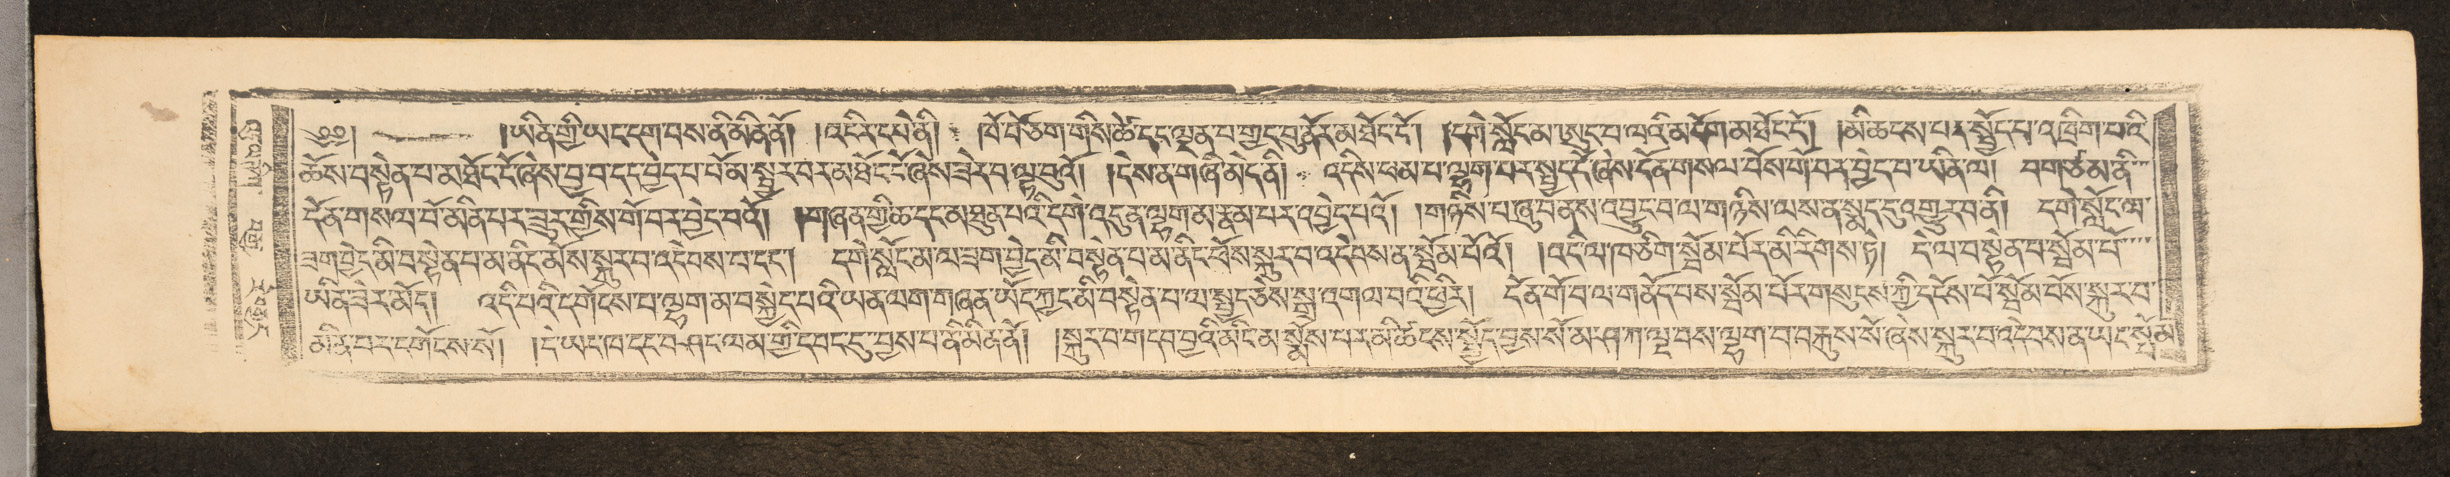༄༅། །ཡིན་གྱི་ཡང་དག་པས་ནི་མིན་ནོ། །འདིར་དཔེ་ནི། ཁོ་བོ་ཅག་གིས་ཚེ་དང་ལྡན་པ་གྱད་བུ་ནོར་མཐོང་ངོ། །དགེ་སློང་མ་ཨུད་པ་ལའི་མདོག་མཐོང་ངོ། །མི་ཚངས་པར་སྤྱོད་པ་འཁྲིག་པའི་
ཆོས་བསྙེན་པ་མཐོང་ངོ་ཞེས་བྱ་བ་དང་བྱེད་པ་པོ་མ་སྦྱར་བར་མཐོང་ངོ་ཞེས་ཟེར་བ་ལྟ་བུའོ། །དེས་ན་གཞི་མེད་ནི། འདིས་ཕམ་པ་ལྷག་པར་སྤྱད་དོ་ཞེས་དོན་གསལ་པོས་གོ་བར་བྱེད་པ་ཡིན་ལ། བག་ཙམ་ནི་
དོན་གསལ་བོ་སིན་པར་ཟུར་གྱིས་གོ་བར་བྱེད་པའོ། །གཞན་གྱི་ཆ་དང་མཐུན་པའི་དགེ་འདུན་ལྷག་མ་རྣམ་པར་འབྱེད་པའོ། །གཉིས་པ་ཞུ་བ་ནས་འབྱུང་བ་ལ་གཉིས་ལས་ན་སྨད་དུ་འགྱུར་བ་ནི། དགེ་སློང་ལ་
ཟག་བྱེད་མི་བསྟེན་པ་མ་ནིང་མོས་སྐུར་བ་འདེབས་པ་དང་། དགེ་སློང་མ་ལ་ཟག་བྱེད་མི་བསྟེན་པ་མ་ནིང་ཕོས་སྐུར་བ་འདེབས་ན་སྦོམ་པོའོ། །འདི་ལ་ཁ་ཅིག་སྤོམ་པོར་མི་རིགས་ཏེ། དེ་ལ་བསྟེན་པ་སྤོམ་པོ་
ཡིན་ཟེར་མོད། འདི་པའི་དགོངས་པ་ལྷག་མ་བསྐྱེད་པའི་ཡན་ལག་གཞན་ཡོད་ཀྱང་མི་བསྟེན་པ་ལ་སྤྱད་ཅེས་སྒྲ་འགལ་བའི་ཕྱིར། དོན་གོ་བ་ལ་གནོད་པས་སྤོམ་པོར་གསུངས་ཀྱི་དངོས་པོ་སྦོམ་པོས་སྐུར་བ་
མིན་པར་དགོངས་སོ། །དེ་ཡང་ཁ་དང་བ་ཤད་ལམ་གྱི་དབང་དུ་བྱས་པ་ནི་མིན་ནོ། །སྐུར་བ་གདབ་བྱའི་མིང་མ་སྨོས་པར་མི་ཚངས་སྤྱོད་བྱས་སོ་མ་ཤ་ཀ་ལྔ་བས་ལྷག་པ་བརྐུས་སོ་ཞེས་སྐུར་བ་འདེབས་ན་ཡང་སྦོམ་